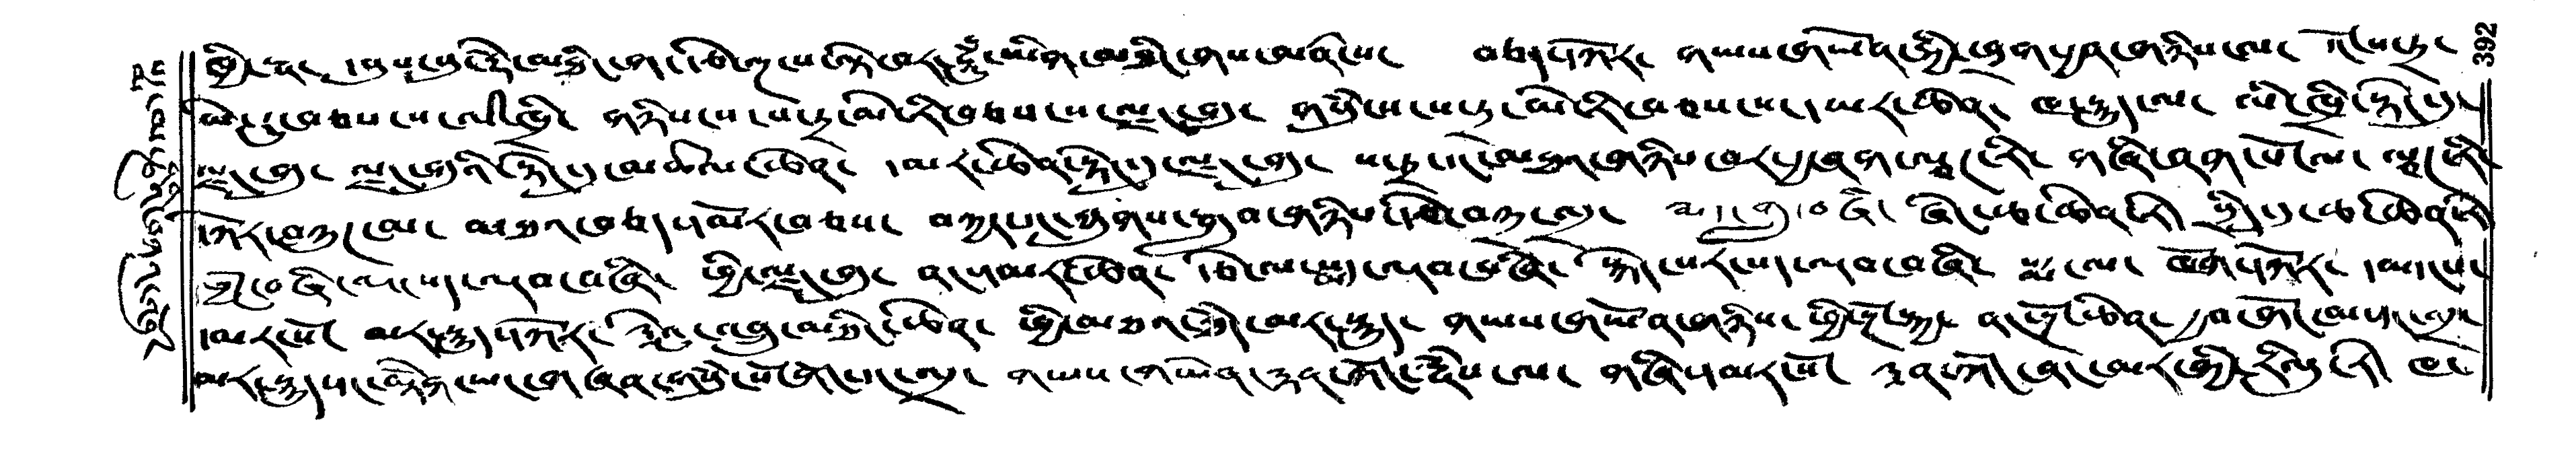ཁྱི་སྣ། དབུས་སུ་རྡོ་རྗེ་མཐིང་ག་རྩེ་ལྔ་པ་ལྟེ་བར་ཧཱུྃ་ཡིག་མཐིང་གས་མཚན་པ། བཅད་དཀར་པོ། གཡས་གཡོན་གྱི་ཕྲག་རྒྱན་གཉིས་ལ། དང་པོ་པ་ཏྲ་
མེ་རིས་བཅས་པ་ལི་ཁྲི། གཉིས་པ་པ་ཏྲ་མེ་རིས་བཅས་པ་ལྗང་གུ། གསུམ་པ་པ་ཏྲ་མེ་རིས་བཅས་པ་དམར་ཆེན། ཁ་སྐུད་ལ་ལི་ཁྲི་སྟེང་དུ་
ལྗང་གུ། ལྗང་གུའི་སྟེང་དུ་མཚལ་ཆེན། དམར་ཆེན་སྟེང་དུ་ལྗང་གུ། པ་ཏྲ་དང་མཐའ་གཉིས་བར་རྒྱ་ནག་ལྕགས་རི། གཞི་ནག་པོ་ལ། ལྕགས་རི་
དཀར་པོ་ཁུགས་མ། མཐའ་བཅད་དམར་པོ་བཅས། བཀའ་བརྒྱད་དང་ཐུགས་སྒྲུབ་གཉིས་རྩེ་བཀྲ་འདྲ། སྨད་གྲུ་བཞི་ཞེང་ཆེ་ཆེན་རེ། སྲིད་དུ་ཆ་ཆེན་རེ། 
ཕྱོགས་བཞི་ལ་པད་འདབ་བཞི། ཕྱི་ལྗང་གུ། ནང་དམར་ཆེན། རྩེ་ལ་པདྨ་འདབ་བཞི། སྐེད་པར་པད་འདབ་བཞི། པདྨ་ལ་ཁོག་དཀར་པོ། དམངས་
དམར་པོ། མར་སྐུད་དཀར་པཽ། ཟེའུ་འབྲུ་མཐིང་ཆེན། ཕྱི་མཐའ་ཐམས་ཅད་མར་སྐུད། གཡས་གཡོན་གཉིས་ཕྱི་སྔོ་སྐྱ། ནང་སྔོ་ཆེན། རྒྱབ་གོང་མ་དང་འདྲ། 
མར་སྐུད་དང་མེ་ཏོག་ཡང་གཞན་གསུམ་པོ་གོང་དང་འདྲ། གཡས་གཡོན་ཟན་ཀོང་རྣམས་ལ། གཞི་དམར་པོ། ཟན་ཀོང་ནང་མར་གྱི་རིལ་བུ་རེ། ཁ་